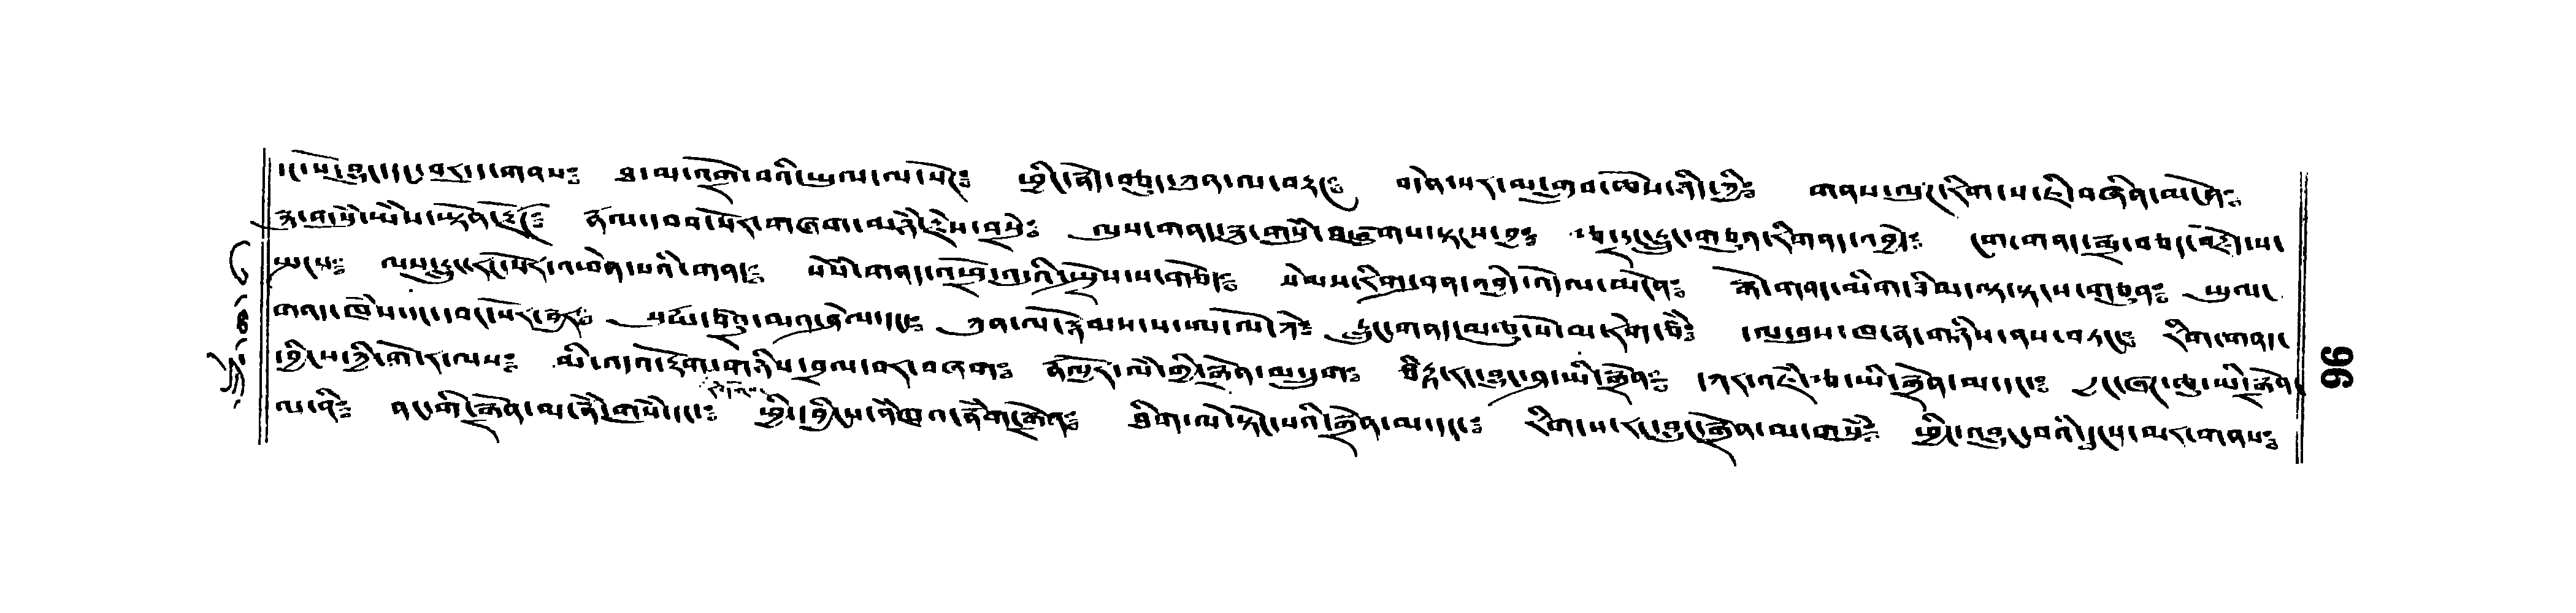དང་པོ་བྱུང་དང་བར་དུ་གནས༔ ཐ་མ་འགྲོ་བའི་ཡུལ་ལ་སོགས༔ ཕྱི་ནང་སྣོད་བཅུད་ཀུན་ལ་བརྟགས༔ བདེན་པར་མ་གྲུབ་ཆོས་ཉིད་ཀྱི༔ གནས་ལུགས་རིག་པ་ཇི་བཞིན་མངོན༔
སྐུ་གསུམ་ཡེ་ཤེས་ཡོན་ཏན་རྫོགས༔ རྣལ་དབབ་སོར་གཞག་མཉམ་རྗེས་བསྲེ༔ ལུས་གནད་སྐུ་གསུམ་བཞུགས་སྟངས་བྱ༔ རྩ་དྲང་རླུང་གཅུན་རིག་གནད་འབྱེད༔ ངག་གནད་སྨྲ་བཅད་བརྗོད་པ་
སྤངས༔ ལས་རླུང་རང་སོར་འཕེན་པའི་གནད༔ སེམས་གནད་འཕྲོ་འདུའི་སྤྲོས་པ་གཅོད༔ སེམས་རིག་ཤན་འབྱེད་འོད་གསལ་མངོན༔ སྒོ་གནད་མིག་ཟིམ་ལྟ་སྟངས་གཅུན༔ ཡུལ་
གནད་ཁམས་དང་དབང་པོར་སྦྱར༔ སུརྻ་ཙནྡྲ་མན་ཤེལ་དང༔ ཀུན་ལ་སྙོམས་པ་ཨ་ལོ་ཀེ༔ རླུང་གནད་མཆུ་སོ་མ་རེག་ཙམ༔ དལ་བུས་ཁ་སྣ་གཉིས་ནས་བཏང༔ རིག་གནད་
དབྱིངས་ཀྱི་གོ་ར་ལས༔ མི་འདའ་རྟོག་གཉིས་བྲལ་བར་བཞག རྣལ་འབྱོར་ལམ་གྱི་སྒྲོན་མ་དྲུག ཙིཏྟ་རང་བྱུང་ཤ་ཡི་སྒྲོན༔དཀར་འཇམ་རྩ་ཡི་སྒྲོན་མ་དང༔ རྒྱང་ཞགས་ཆུ་ཡི་སྒྲོན་
མ་ནི༔ ནང་གི་སྒྲོན་མ་རྣམ་གསུམ་དང༔ ཕྱི་དབྱིངས་ནམ་མཁའ་རྣམ་དག་སྒྲོན༔ ཐིག་ལེ་སྟོང་པའི་སྒྲོན་མ་དང༔ རིག་པ་རང་བྱུང་སྒྲོན་མ་གསུམ༔ ཕྱི་ནང་འབྱུང་བའི་དྭངས་མར་གནས༔